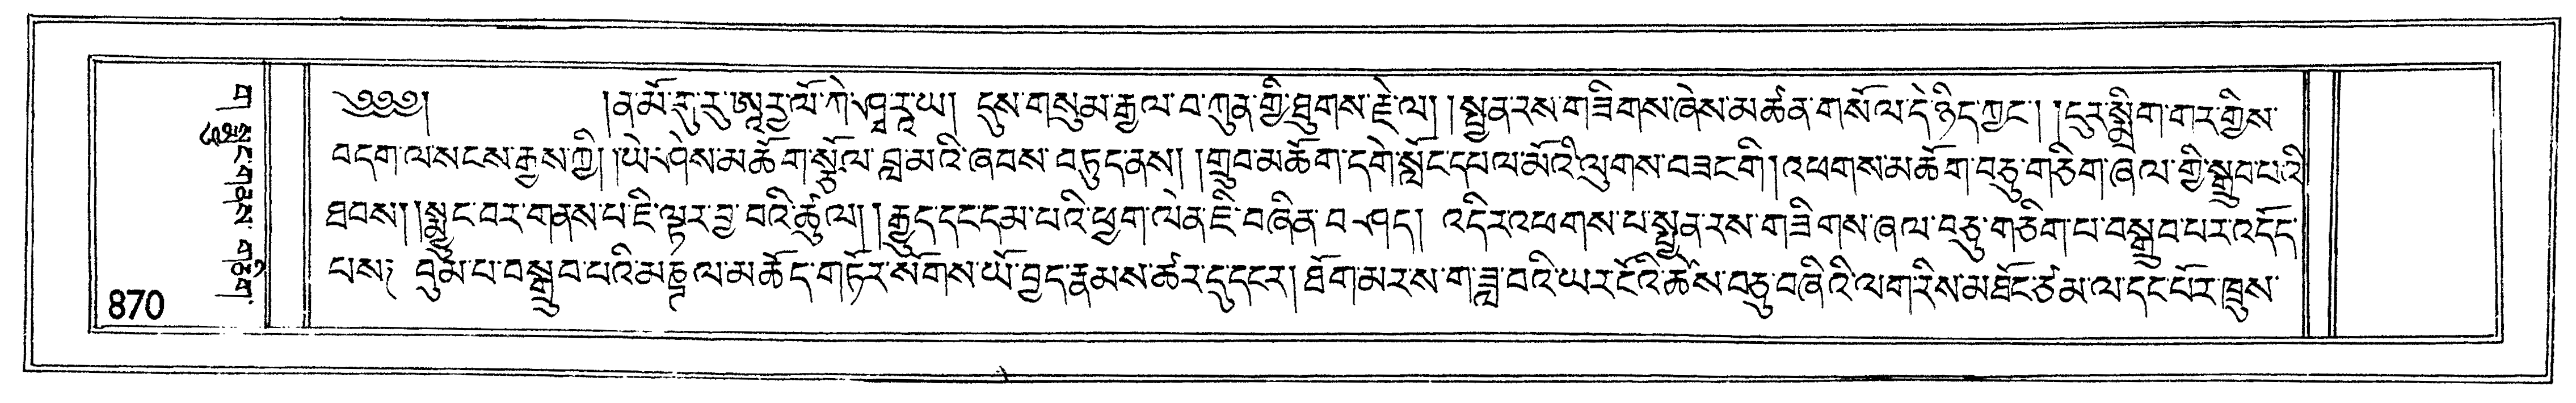༄༅༅། །ན་མོ་གུ་རུ་ཨཱརྱ་ལོ་ཀེ་ཤྭ་རཱ་ཡ། དུས་གསུམ་རྒྱལ་བ་ཀུན་གྱི་ཐུགས་རྗེ་ལ། །སྤྱན་རས་གཟིགས་ཞེས་མཚན་གསོལ་དེ་ཉིད་ཀྱང་། །ངུར་སྨིག་གར་གྱིས་
བདག་ལ་སངས་རྒྱས་ཀྱི། །ཡེ་ཤེས་མཆོག་སྩོལ་བླ་མའི་ཞབས་བཏུད་ནས། །གྲུབ་མཆོག་དགེ་སློང་དཔལ་མོའི་ལུགས་བཟང་གི །འཕགས་མཆོག་བཅུ་གཅིག་ཞལ་གྱི་སྒྲུབ་པའི་
ཐབས། །སྨྱུང་བར་གནས་པ་ཇི་ལྟར་བྱ་བའི་ཚུལ། །རྒྱུད་དང་དམ་པའི་ཕྱག་ལེན་ཇི་བཞིན་བཤད། འདིར་འཕགས་པ་སྤྱན་རས་གཟིགས་ཞལ་བཅུ་གཅིག་པ་བསྒྲུབ་པར་འདོད་
པས། བུམ་པ་བསྒྲུབ་པའི་མཎྜལ་མཆོད་གཏོར་སོགས་ཡོ་བྱད་རྣམས་ཚར་དུ་དངར། ཐོག་མར་ས་ག་ཟླ་བའི་ཡར་ངོའི་ཚེས་བཅུ་བཞིའི་ལག་རིས་མཐོང་ཙམ་ལ་དང་པོར་ཁྲུས་